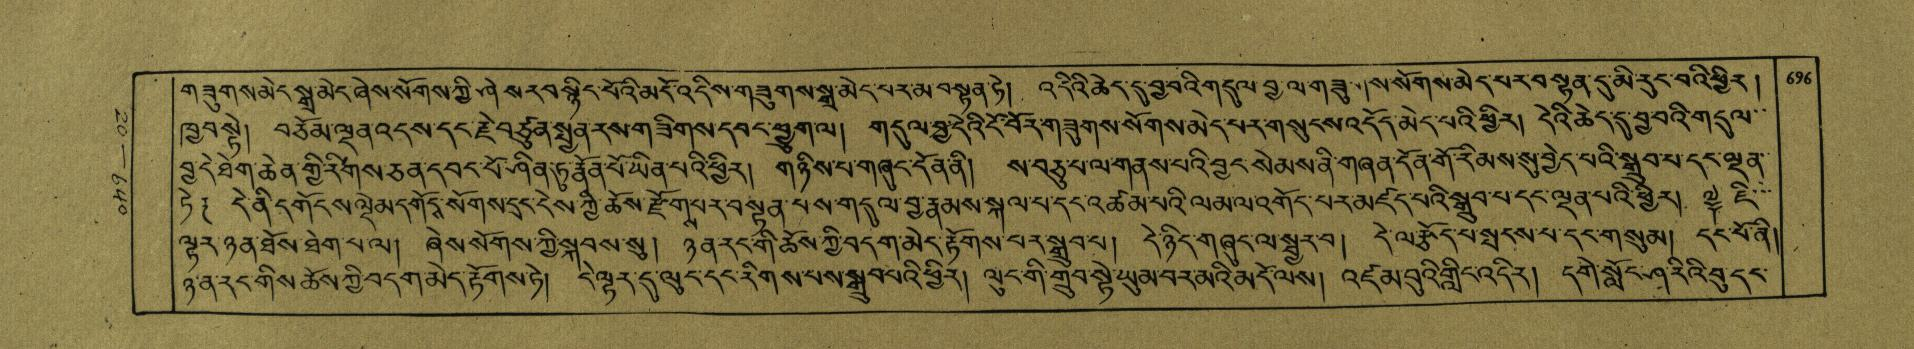གཟུགས་མེད་སྒྲ་མེད་ཞེས་སོགས་ཀྱི་ཤེས་རབ་སྙིང་པོའི་མདོ་འདིས་གཟུགས་སྒྲ་མེད་པར་མ་བསྟན་ཏེ། འདིའི་ཆེད་དུ་བྱ་བའི་གདུལ་བྱ་ལ་གཟུགས་སོགས་མེད་པར་བསྟན་དུ་མི་རུང་བའི་ཕྱིར།
ཁྱབ་སྟེ། བཅོམ་ལྡན་འདས་དང་རྗེ་བཙུན་སྤྱན་རས་གཟིགས་དབང་ཕྱུག་ལ། གདུལ་བྱ་དེའི་ངོ་བོར་གཟུགས་སོགས་མེད་པར་གསུངས་འདོད་མེད་པའི་ཕྱིར། དེའི་ཆེད་དུ་བྱ་བའི་གདུལ་
བྱ་དེ་ཐེག་ཆེན་གྱི་རིགས་ཅན་དབང་པོ་ཤིན་ཏུ་རྣོན་པོ་ཡིན་པའི་ཕྱིར། གཉིས་པ་གཞུང་དོན་ནི། ས་བཅུ་པ་ལ་གནས་པའི་བྱང་སེམས་ནི་གཞན་དོན་གོ་རིམས་སུ་བྱེད་པའི་སྒྲུབ་པ་དང་ལྡན་
ཏེ༑ དེ་ནི་དགོངས་ལྡེམ་དགོངས་སོགས་དྲང་ངེས་ཀྱི་ཆོས་རྫོགས་པར་བསྟན་པས་གདུལ་བྱ་རྣམས་སྐལ་པ་དང་འཚམ་པའི་ལམ་ལ་འགོད་པར་མཛད་པའི་སྒྲུབ་པ་དང་ལྡན་པའི་ཕྱིར། ༈ ཇི་
ལྟར་ཉན་ཐོས་ཐེག་པ་ལ། ཞེས་སོགས་ཀྱི་སྐབས་སུ། ཉན་རང་གི་ཆོས་ཀྱི་བདག་མེད་རྟོགས་པར་སྒྲུབ་པ། དེ་ཉིད་གཞུང་ལ་སྦྱར་བ། དེ་ལ་རྩོད་པ་སྤངས་པ་དང་གསུམ། དང་པོ་ནི།
ཉན་རང་གིས་ཆོས་ཀྱི་བདག་མེད་རྟོགས་ཏེ། དེ་ལྟར་དུ་ལུང་དང་རིགས་པས་སྒྲུབ་པའི་ཕྱིར། ལུང་གི་གྲུབ་སྟེ་ཡུམ་བར་མའི་མདོ་ལས། འཛམ་བུའི་གླིང་འདིར། དགེ་སློང་ཤ་རིའི་བུ་དང་